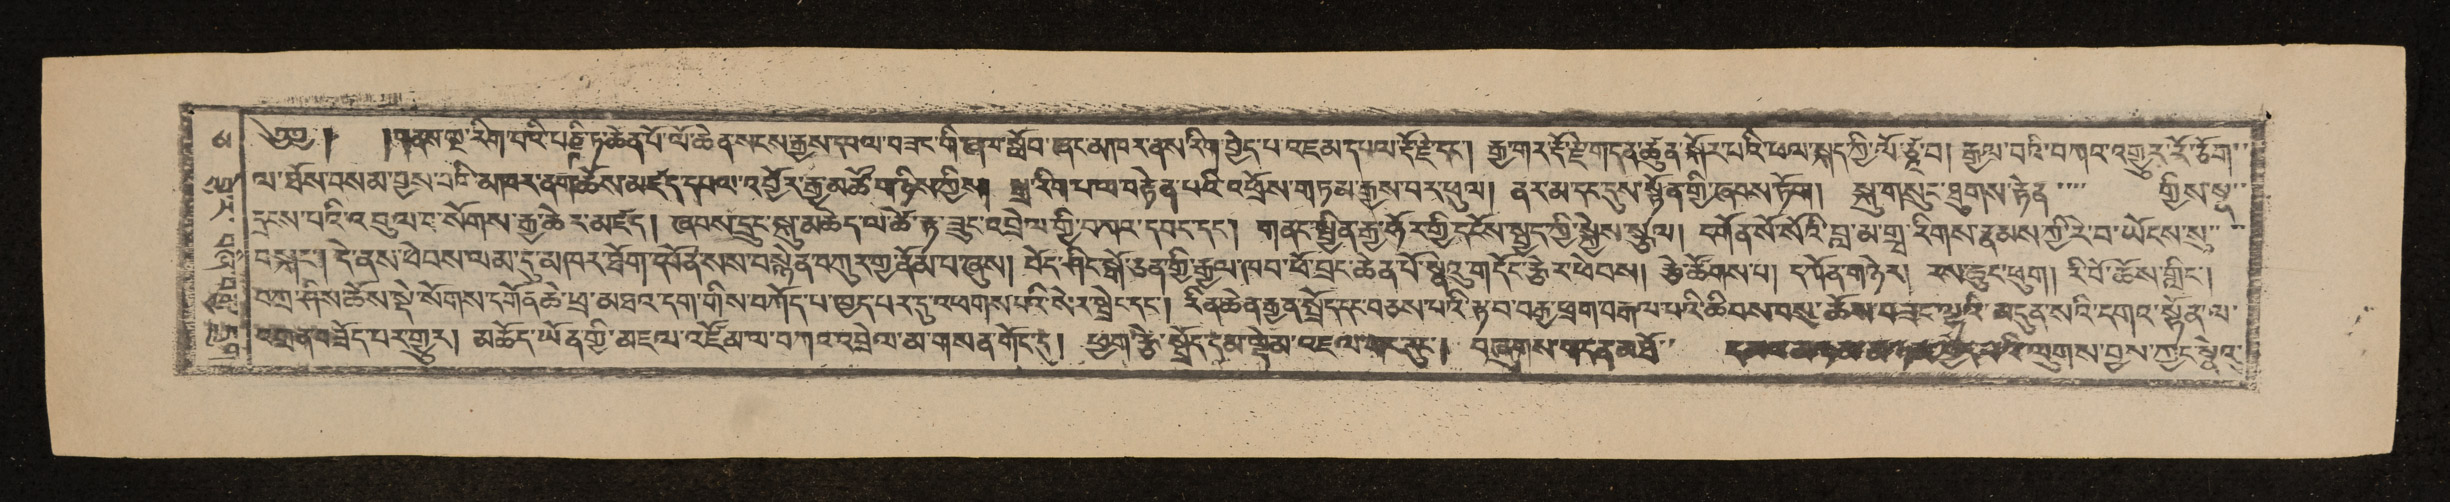༄༅། །གནས་ལྔ་རིག་པའི་པཎྜི་ཏ་ཆེན་པོ་ལོ་ཆེན་སངས་རྒྱས་དཔལ་བཟང་གི་ཞལ་སློབ་ཞང་མཁར་ནས་རིག་བྱེད་པ་འཇམ་དཔལ་རྡོ་རྗེ་དང་། རྒྱ་གར་རྡོ་རྗེ་གདན་ཚུན་སྐོར་པའི་ཕལ་སྐད་ཀྱི་ལོ་ཙཱ་བ། རྒྱལ་
བའི་བཀའ་འགྱུར་རོ་ཅོག་ལ་ཐོས་བསམ་བྱས་པའི་མཁར་ནག་ཆོས་མཛད་དཔལ་འབྱོར་རྒྱ་མཚོ་གཉིས་ཀྱིས། སྒྲ་རིག་པ་ལ་བརྟེན་པའི་འཕྲོས་གཏམ་རྒྱས་པར་ཕུལ། ནར་མ་དང་དུས་སྟོན་གྱི་ཞབས་ཏོག། སྐུ་གསུང་
ཐུགས་རྟེན་གྱིས་སྣ་དྲངས་པའི་འབུལ་བ་སོགས་རྒྱ་ཆེར་མཛད། ཞབས་དྲུང་སྐུ་མཆེད་ལ་ཚེ་རྟ་ཟུང་འབྲེལ་གྱི་བཀའ་དབང་དང་། གནད་སྦྱིན་རྒྱ་ཧོར་གྱི་དངོས་སྤྱད་ཀྱི་སྐྱེས་སྩལ། དགོན་སོ་སོའི་བླ་མ་གྲྭ་རིགས་རྣམས་ཀྱི་རེ་བ་
ཡོངས་སུ་བསྐང་། དེ་ནས་ཕེབས་ལམ་དུ་མཁར་ཐོག་དཔོན་སས་བསྙེན་བཀུར་གྱ་ནོམ་བ་ཞུས། བོད་ཤིང་སྒོ་ཅན་གྱི་རྒྱལ་ཁབ་ཕོ་བྲང་ཆེན་པོ་སྣེའུ་གདོང་རྩེར་ཕེབས། རྩེ་ཚོགས་པ། དཀོན་གཉེར། རས་ཆུང་ཕུག། རི་བོ་
ཆོས་གླིང་། བཀྲ་ཤིས་ཆོས་སྡེ་སོགས་དགོན་ཆེ་ཕྲ་མཐའ་དག་གིས་བཀོད་པ་ཁྱད་པར་དུ་འཕགས་པའི་སེར་སྦྲེང་དང་། རིན་ཆེན་རྒྱན་སྤྲོད་དང་བཅས་པའི་རྒྱ་ཕྲག་བརྒལ་བའི་ཆིབས་བསུ་ཆོས་བཟང་ལྷའི་མདུན་
སའི་དགའ་སྟོན་ལ་འགྲན་བཟོད་པར་གྱུར། མཆོད་ཡོན་གྱི་མཇལ་འཛོམ་ལ་བཀའ་འབྲེལ་མ་གསན་གོང་དུ། ཕྱག་རྩེ་སྤྲོད་དམ་ལྡེམ་འཇལ་གང་རུང་། བཞུགས་གདན་མཐོ་དམའ་མཉམ་མཉམ་བྱེད་པའི་ལུགས་བྱས་